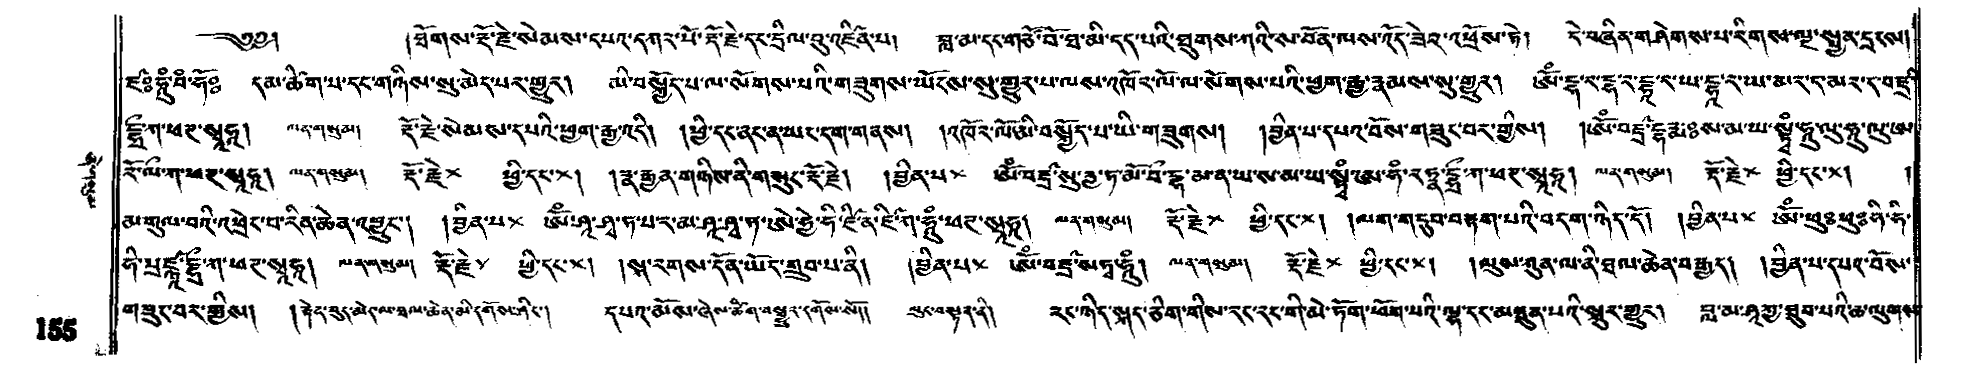༄༅། །ཐོགས་རྡོ་རྗེ་སེམས་དཔའ་དཀར་པོ་རྡོ་རྗེ་དང་དྲིལ་བུ་འཛིན་པ། བླ་མ་དང་གཙོ་བོ་ཐ་མི་དད་པའི་ཐུགས་ཀའི་ས་བོན་ལས་འོད་ཟེར་འཕྲོས་ཏེ། དེ་བཞིན་གཤེགས་པ་རིགས་ལྔ་སྤྱན་དྲངས།
ཛཿ ཧཱུཾ་བཾ་ཧོཿ དམ་ཚིག་པ་དང་གཉིས་སུ་མེད་པར་གྱུར། མི་བསྐྱོད་པ་ལ་སོགས་པའི་གཟུགས་ཡོངས་སུ་གྱུར་པ་ལས་འཁོར་ལོ་ལ་སོགས་པའི་ཕྱག་རྒྱ་རྣམས་སུ་གྱུར། ཨོཾ་དྷ་ར་དྷ་ར་དྷཱ་ར་ཡ་དྷཱ་ར་ཡ་མར་ད་མར་ད་བཛྲ་
དྷྲྀ་ཀ་ཕཊ་སྭཱཧཱ། ལན་གསུམ།  རྡོ་རྗེ་སེམས་དཔའི་ཕྱག་རྒྱ་འདི། །ཕྱི་དང་ནང་ན་ཡང་དག་གནས། །འཁོར་ལོ་མི་བསྐྱོད་པ་ཡི་གཟུགས། །བྱིན་པ་དཔའ་བོས་གཟུང་བར་གྱིས། །ཨོཾ་བཛྲ་དྷརྨཿ ས་མ་ཡ་སྟྭཾ་ཧཱུ་ལུ་ཧཱུ་ལུ་ཨ་
རོ་ལྀ་ཀ་ཕཊ་སྭཱཧཱ། ལན་གསུམ།  རྡོ་རྗེ་྾་ཕྱི་དང་྾། །རྣ་རྒྱན་གཉིས་ནི་གསུང་རྡོ་རྗེ། །བྱིན་པ་྾་ཨོཾ་བཛྲ་སུ་རྱ་ཏ་མོ་བྀ་དྷ་མ་ན་ཡ་ས་མ་ཡ་སྟྭཾ་ཨ་ཧཾ་རཏྣ་དྷྲྀ་ཀ་ཕཊ་སྭཱཧཱ། ལན་གསུམ།  རྡོ་རྗེ་྾་ཕྱི་དང་྾། །
མགུལ་བའི་འཕྲེང་བ་རིན་ཆེན་འབྱུང་། །བྱིན་པ་྾་ཨོཾ་ཤཱ་ཤྭ་ཏ་པ་ར་མ་ཤཱ་ཤྭ་ཏ་ཨེ་ཧྱེ་ཧི་ཛི་ན་ཛི་ཀ་ཧཱུཾ་ཕཊ་སྭཱཧཱ། ལན་གསུམ།  རྡོ་རྗེ་྾་ཕྱི་དང་྾། །ལག་གདུབ་བརྟག་པའི་བདག་ཉིད་དོ། །བྱིན་པ་྾་ཨོཾ་ཕུཿ ཕུཿ ཧི་ཧི་
ཧི་པྲཛྙཱ་དྷྲྀ་ཀ་ཕཊ་སྭཱཧཱ། ལན་གསུམ།  རྡོ་རྗེ་྾་ཕྱི་དང་྾། །སྐ་རགས་དོན་ཡོད་གྲུབ་པ་ནི། །བྱིན་པ་྾་ཨོཾ་བཛྲ་སཏྭ་ཧཱུཾ། ལན་གསུམ།  རྡོ་རྗེ་྾་ཕྱི་དང་྾། །ལུས་ཀུན་ལ་ནི་ཐལ་ཆེན་བརྒྱད། །བྱིན་པ་དཔའ་བོས་
གཟུང་བར་གྱིས། ། རྟེན་བུད་མེད་ལ་ཐལ་ཆེན་མི་དགོས་ཤིང་།  དཔའ་མོས་ཞེས་ཚིག་བསྒྱུར་དགོས་སོ།། ལུང་བསྟན་ནི།  རང་ཉིད་སྐད་ཅིག་གིས་རང་རང་གི་མེ་ཏོག་ཕོག་པའི་ལྷ་དང་མཐུན་པའི་སྐུར་གྱུར། བླ་མ་ཤཱཀྱ་ཐུབ་པའི་ཆ་ལུགས་